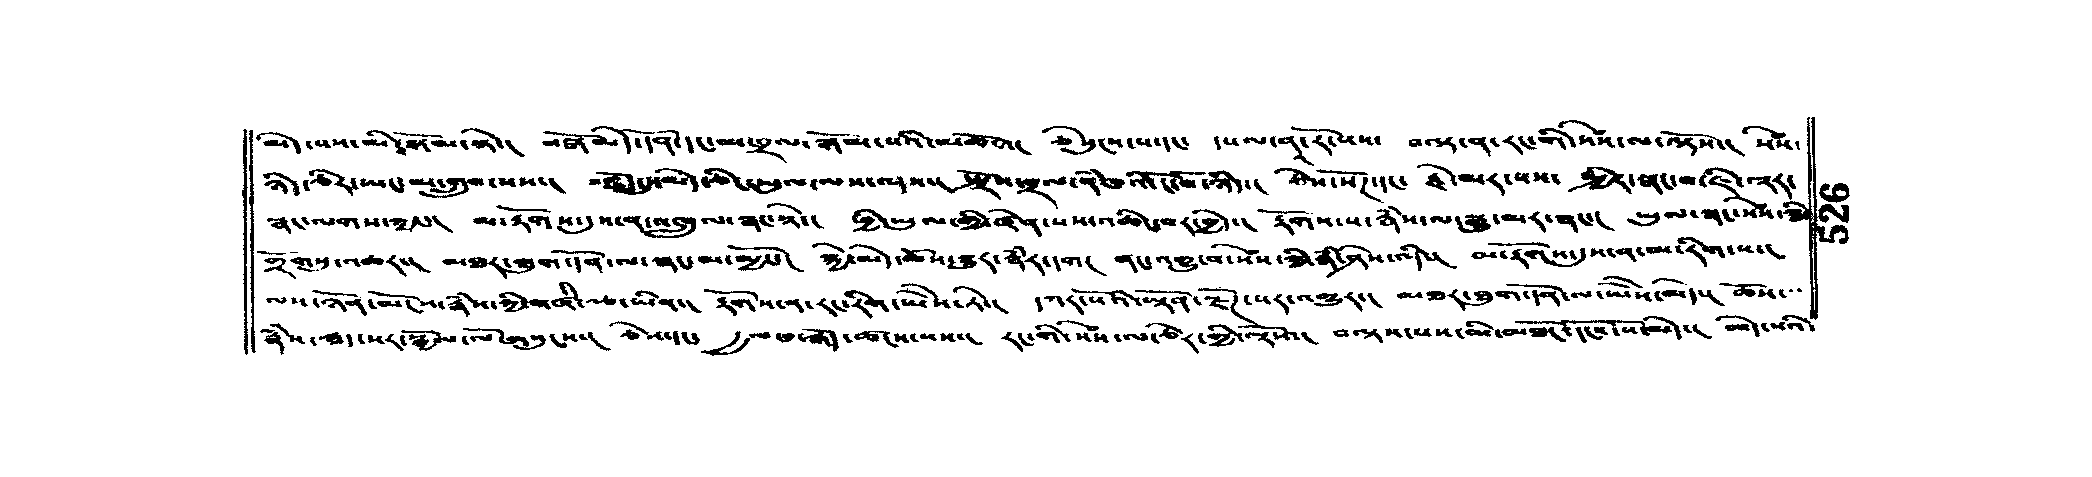མེད་པས་མི་བསྒོམ་སྟེ། །བསྒོམ་མེད་དོན་དང་མ་བྲལ་སྒོམ་པའི་མཆོག ཅེས་གསུངས་པ་དང་། དཔལ་ནཱ་རོ་པས། བལྟ་ན་རང་གི་སེམས་ལ་ལྟོས། །སེམས་
ཉིད་ཅིར་ཡང་མ་གྲུབ་པས། །བརྗོད་དུ་མེད་ཅིང་ཡུལ་ལས་འདས། །སྤྲོས་བྲལ་ནམ་མཁའ་ངོ་བོ་ཉིད། ཅེས་སོགས་དང་། རྗེ་མར་པས། སྤྱིར་སྣང་བ་ཇི་ལྟར་
སྣང་ལགས་ཀྱང་། །མ་རྟོགས་དུས་ན་འཁྲུལ་སྣང་སྟེ། །ཕྱི་ཡུལ་གྱི་ཞེན་པས་འཆིང་བར་བྱེད། །རྟོགས་པ་རྣམས་ལ་སྒྱུ་མར་སྣང་། །ཡུལ་སྣང་སེམས་ཀྱི་
གྲོགས་སུ་འཆར། །མཐར་ཐུག་དོན་ལ་སྣང་མ་མྱོང་། །སྐྱེ་མེད་ཆོས་སྐུར་རྣམ་པར་དག །ནང་འགྱུ་བ་སེམས་ཀྱི་རྣམ་ཤེས་འདི། །མ་རྟོགས་དུས་ན་མ་རིག་པ། །
ལས་ཉོན་མོངས་རྣམས་ཀྱི་གཞི་རྩ་ཡིན། །རྟོགས་ན་རང་རིག་ཡེ་ཤེས་ཏེ། །དཀར་པོའི་ཡོན་ཏན་རྫོགས་པར་འགྱུར། །མཐར་ཐུག་དོན་ལ་ཡེ་ཤེས་མེད། །ཆོས་
རྣམས་ཟད་སར་སྐྱོལ་ལོ་གསུངས། ཅེས་དང་། རྒྱལ་བ་རྒོད་ཚང་པས། རང་གི་སེམས་ལ་ཅེར་གྱི་ལྟོས། །བལྟས་པས་མི་མཐོང་དངོས་པོ་མེད། །མེད་པའི་